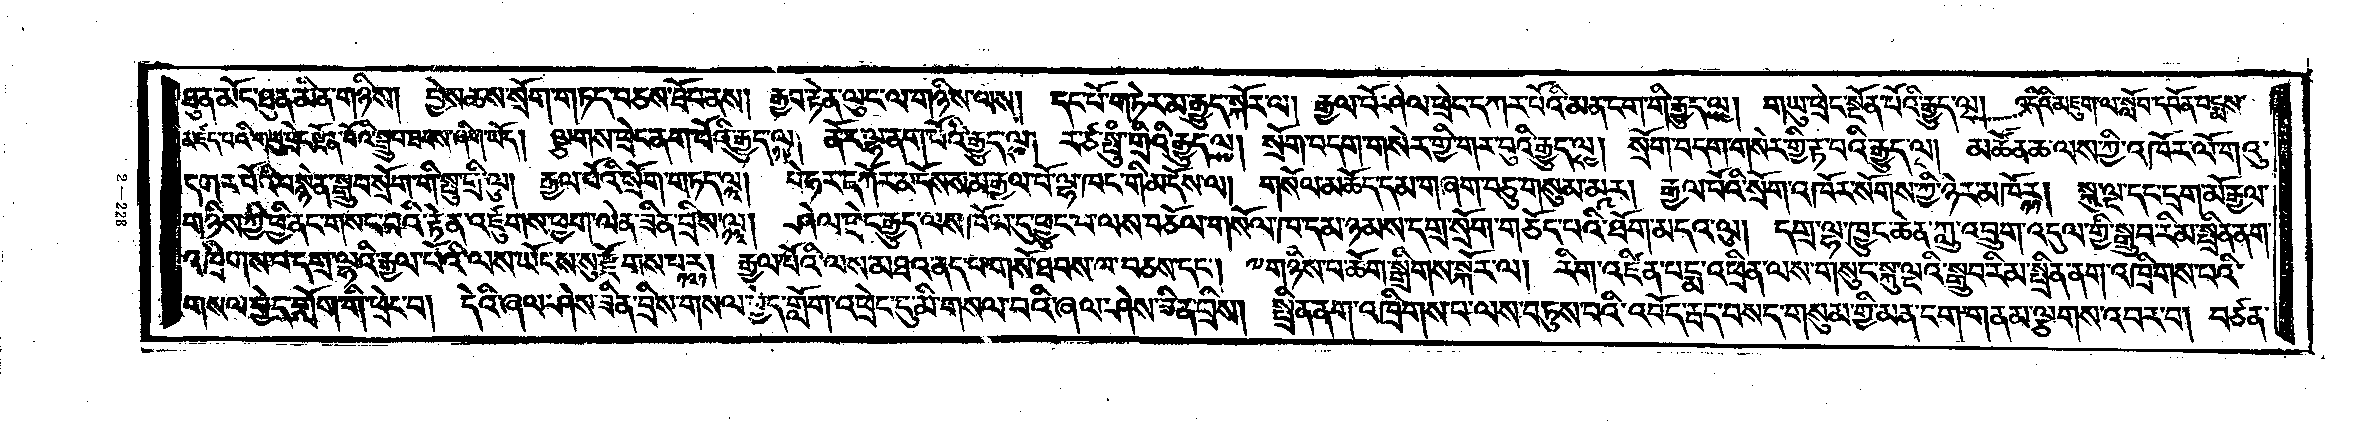ཐུན་མོང་ཐུང་མིན་གཉིས། བྱེས་ཆས་སྲོག་གཏད་བཅས་ཐོབ་ནས། རྒྱབ་རྟེན་ལུང་ལ་གཉིས་ལས། དང་པོ་གཏེར་མ་རྒྱུད་སྐོར་ལ། རྒྱལ་པོ་ཤེལ་ཕྲེང་དཀར་པོའི་མན་ངག་གི་རྒྱུད་ལ། གཡུ་ཕྲེང་སྔོན་པོའི་རྒྱུད་ལ།འདིའི་མཇུག་ལ་སློབ་དཔོན་པདམས་
མཛད་པའི་གཡུ་ཕྲེང་སྔོན་བོའི་སྒྲུབ་ཐབས་ཞིག་ཡོད། ལྕགས་ཕྲེང་ནག་པོའི་རྒྱུད་ལ། ནོར་ལྷ་ནག་པོའི་རྒྱུད་ལ། ར་ཙ་སྤུཾ་གྲིའི་རྒྱུད་ལ། སྲོག་བདག་གསེར་གྱི་གར་བུའི་རྒྱུད་ལ ༨༤། སྲོག་བདག་གསེར་གྱི་རྟ་བའི་རྒྱུད་ལ། མཚོན་ཆ་ལ་ལས་ཀྱི་འཁོར་ལོ་གཱུ་
དགར་བོའི་བསྙེན་སྒྲུབ་སྲོག་གི་སྤུ་གྲི་ལ ༦། རྒྱལ་པོའི་སྲོག་གཏད་ལ ༣། པེ་ཧར་དཀོར་མདོས་སམ་རྒྱལ་པོ་ལྷ་ཁང་གི་མདོས་ལ། གསོལ་མཆོད་དམ་གཞག་བཅུ་གསུམ་མར། རྒྱལ་པོའི་སྲོག་འཁོར་སོགས་ཀྱི་ཉེར་མཁོར ༡༡། སྐུ་ལྔ་དང་དྲག་མོ་རྒྱལ་
གཉིས་ཀྱི་ཕྱི་ནང་གསང་བའི་རྟེན་འཛུགས་ཕྱག་ལེན་ཟིན་བྲིས་ལ། ཤེལ་གྲེང་རྒྱུད་ལས་ཁོལ་དུ་ཕྱུང་པ་ལས་བཅོལ་གསོལ་ཁ་དམ་ཉམས་དགྲ་སྲོག་གཅོད་པའི་ཐོག་མདའ་ལ ༦། དགྲ་ལྷ་ཁྱུང་ཆེན་ཀླུ་འབྲུག་འདུལ་གྱི་སྒྲུབ་རིམ་སྦྲིན་ནས།
འཁྲིགས་བ་དགྲ་ལྷའི་རྒྱལ་པོའི་ལས་ཡོངས་སུ་རྫོགས་པར ༡༢༡། རྒྱལ་པོའི་ལས་མཐའ་ནད་པ་གསོ་ཐབས་ལ་བཅས་དང་། ༧་གཉིས་པ་ཆོག་སྲིགས་སྐོར་ལ། རིག་འཛིན་པདམ་འཕྲིན་ལས་གསུང་སྐུ་ལྔའི་སྒྲུབ་རིམ་སྤྲིན་ནག་འཁྲིགས་པའི་
གསལ་བྱེད་གློག་གི་ཕྲེང་བ། དེའི་ཞལ་ཤེས་ཟིན་བྲིས་གསལ་བྱེད་གློག་འཕྲེང་དུ་མི་གསལ་བའི་ཞལ་ཤེས་ཟིན་བྲིས། སྦྲིན་ནག་འཁྲིགས་པ་ལས་བཏུས་པའི་འབོད་རྦད་བསད་གསུམ་གྱི་མན་ངག་གནམ་ལྕགས་འབར་བ། བཙན་